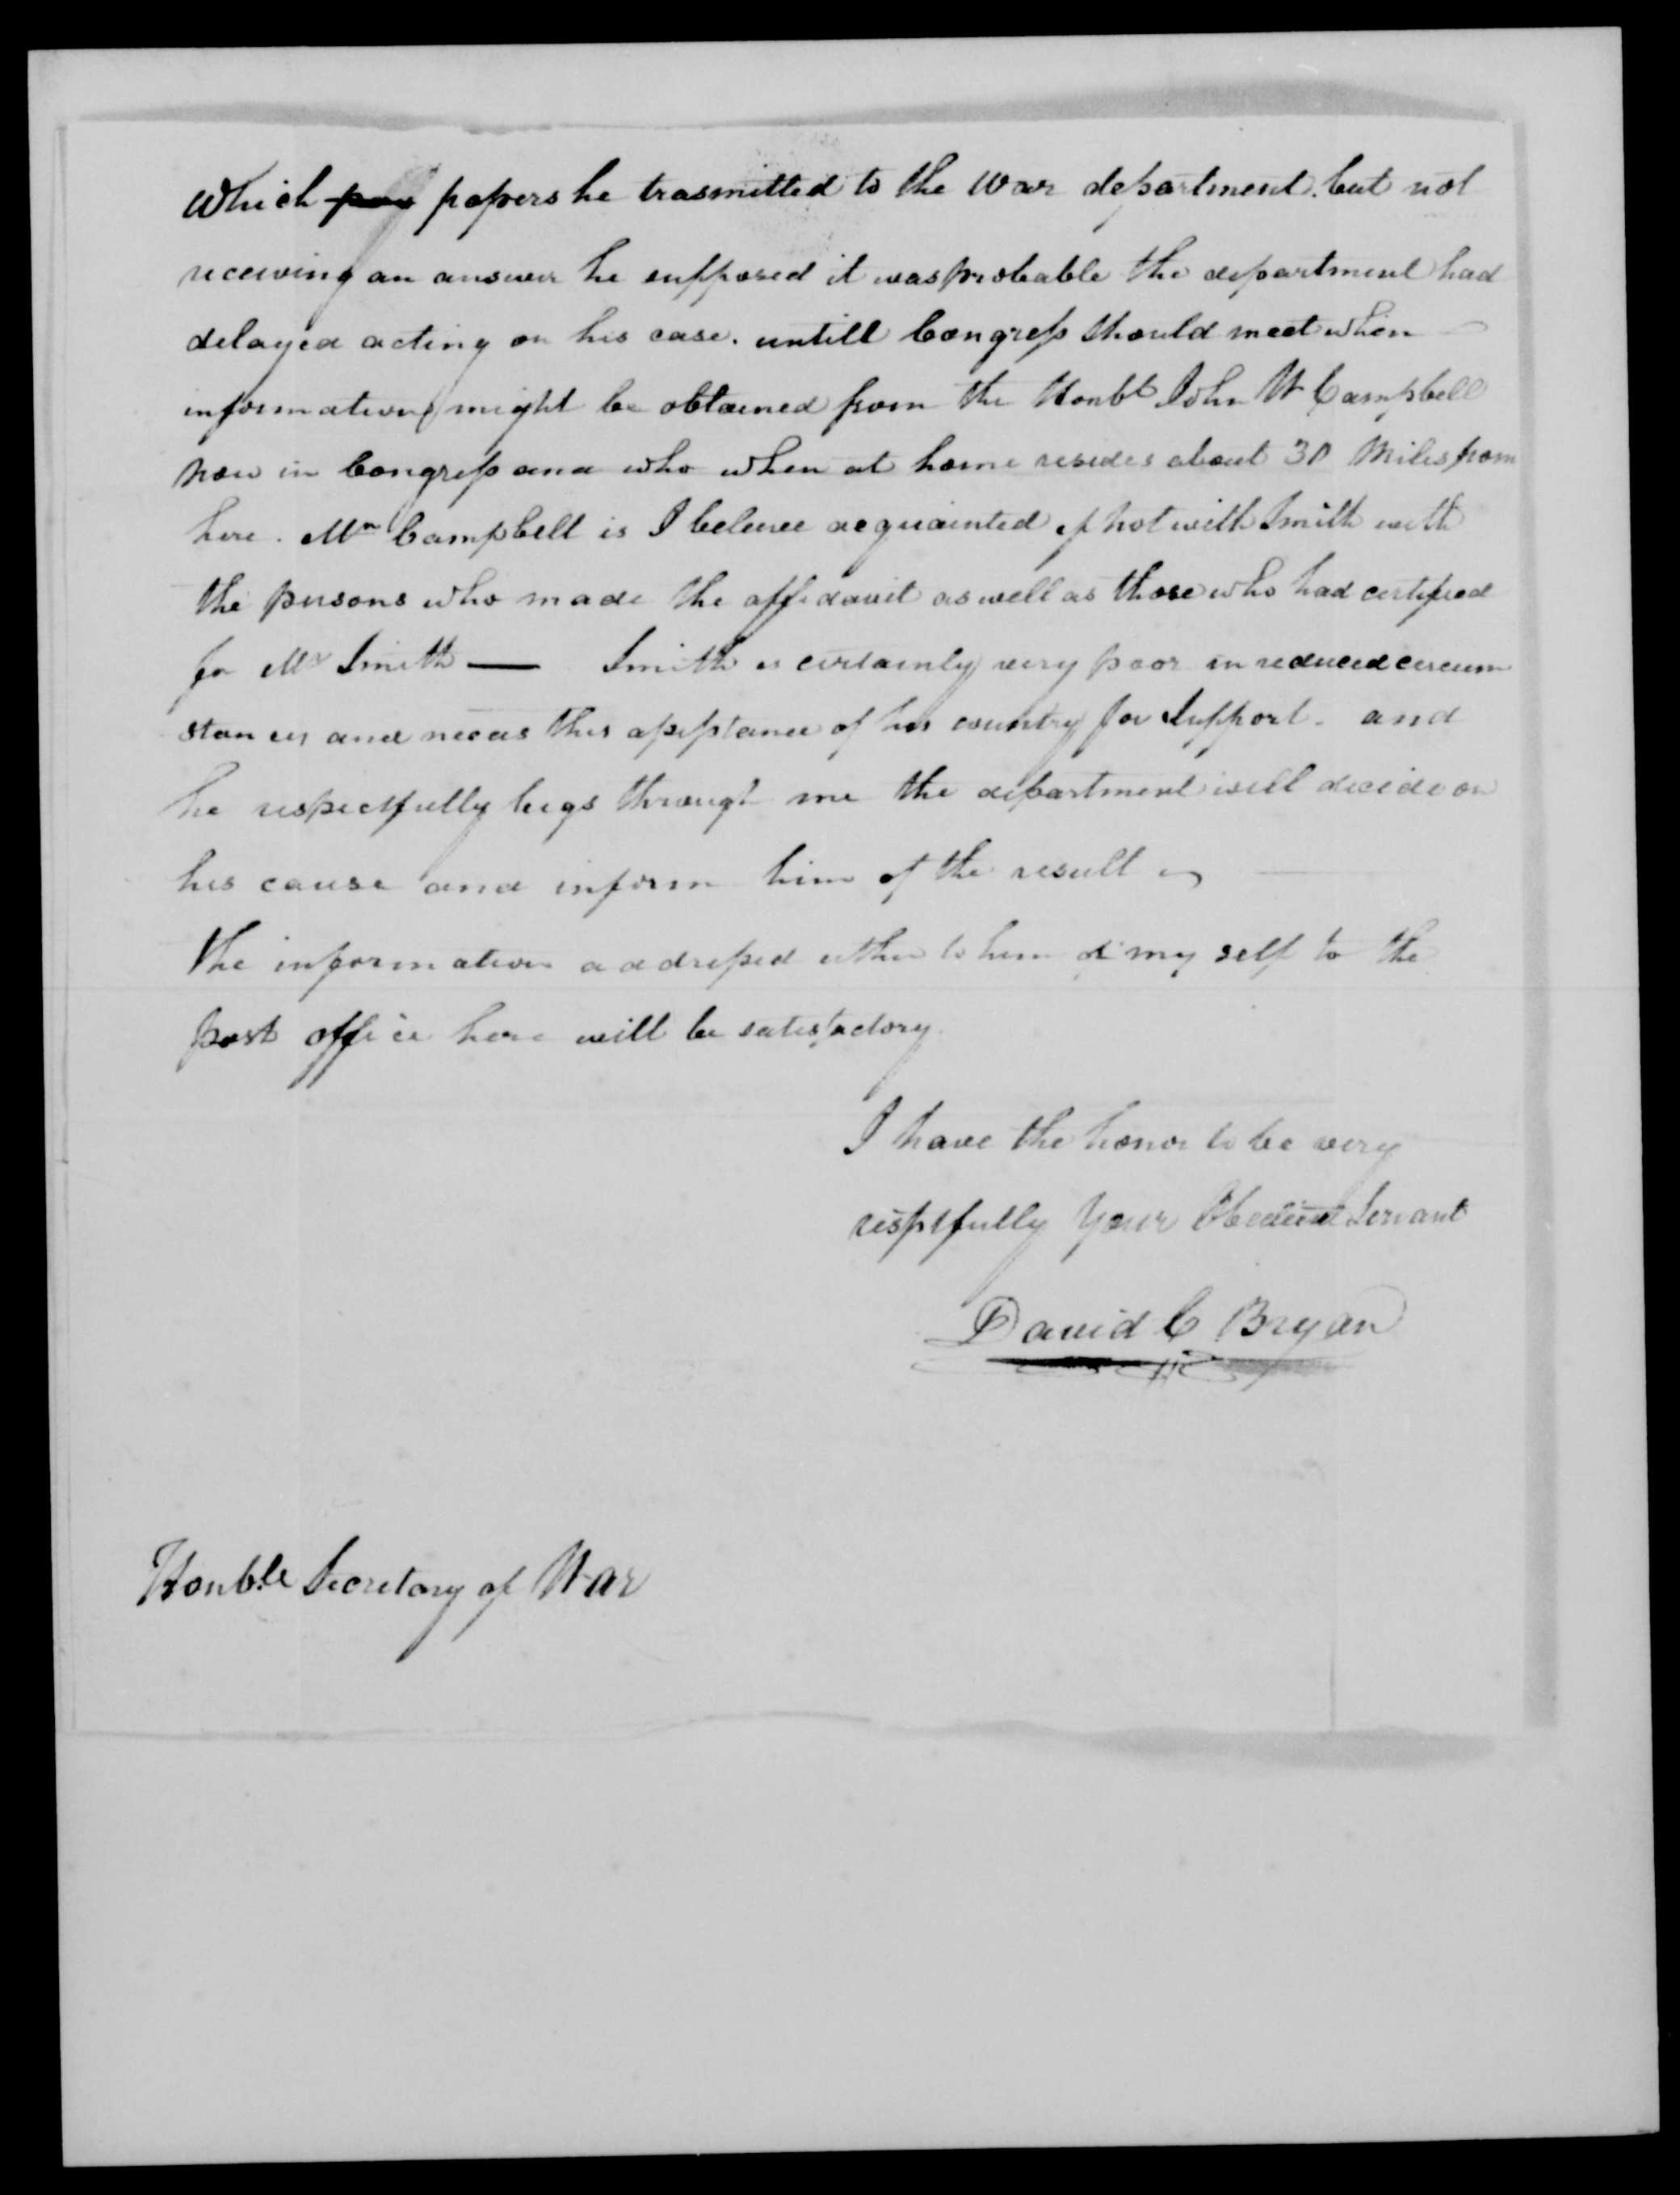which [crossed out word] papers he transmitted to the War department but not receiving an answer he supposed it was probable the department had delayed acting on his case. untill Congress should meet when information might be obtained from the Honbl John W Campbell now in Congress and who when at home resides about 30 Miles from here. Mr Campblell is I believe acquainted if not with Smith with the persons who made the affidavit as well as those who had certified for Mr Smith - Smith is certainly very poor in reduced circumstances and needs the assistance of his country for Support and he respectfully begs through me the department will decide on his cause and inform him of the result - the information addressed either to him or myself to the post office here will be satisfactory. I have the honr to be very resptfully Your Obedient Servant [signature:] David C Bryan 
Honble Secretary of War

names: [BLANK] Campbell; [BLANK] Smith; David C Bryan; [BLANK] Smith; [BLANK] Smith; John W Campbell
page: 42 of 66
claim: survivor's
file: S 40458, for Obadiah Smith, New York